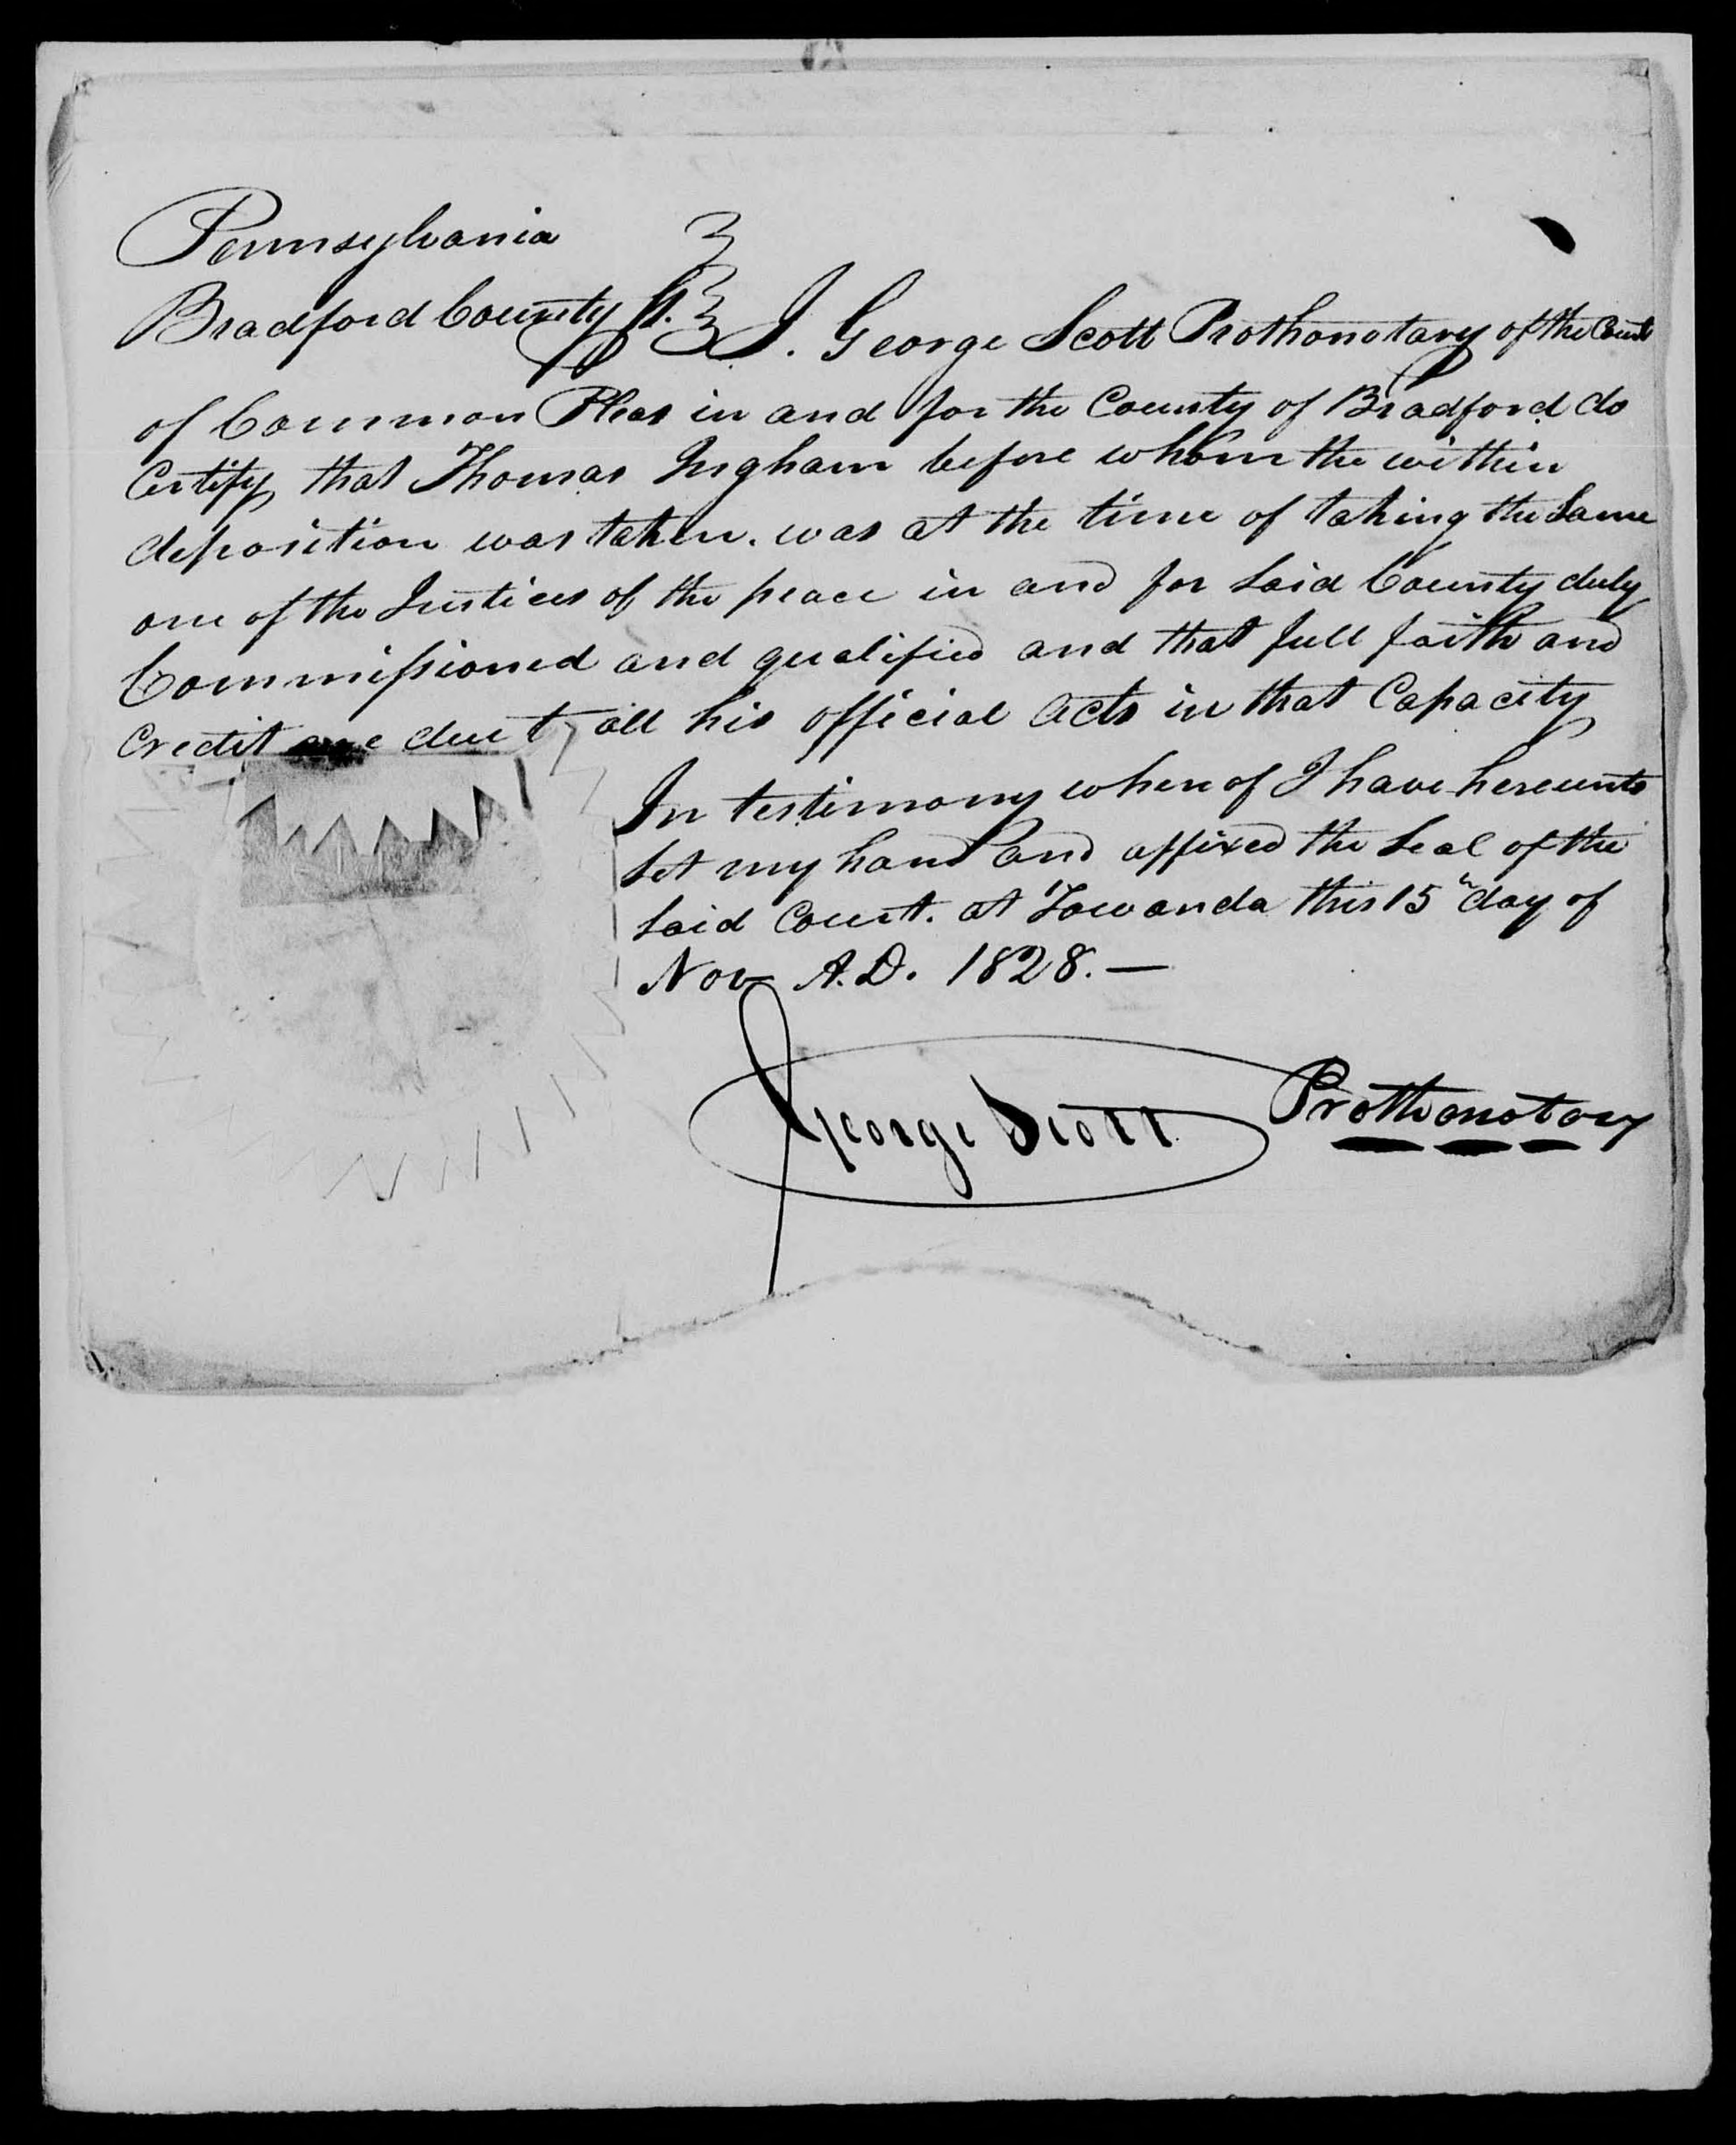Pennsylvania
Bradford County P. [bracket]
I George Scott Prothonotary of the County of Common Pleas in and for the County of Bradford do certify that Thomas Ingham before whom the within deposition was taken, was at the time of taking the same one of the Justices of the peace in and for said County duly Commissioned and qualified and that full faith and credit are due to all his official acts in that capacity. In testimony where I have hereunto set my hand and affixed the Seal of the Said Court at Towanda this 15th day of Nov A.D. 1828. - George Scott Prothonotory [underlined]
[there is a seal affixed to the document]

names: George Scott, Thomas Ingham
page: 7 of 25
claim: rejected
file: R. 5190, Daniel Howey, New Jersey New York